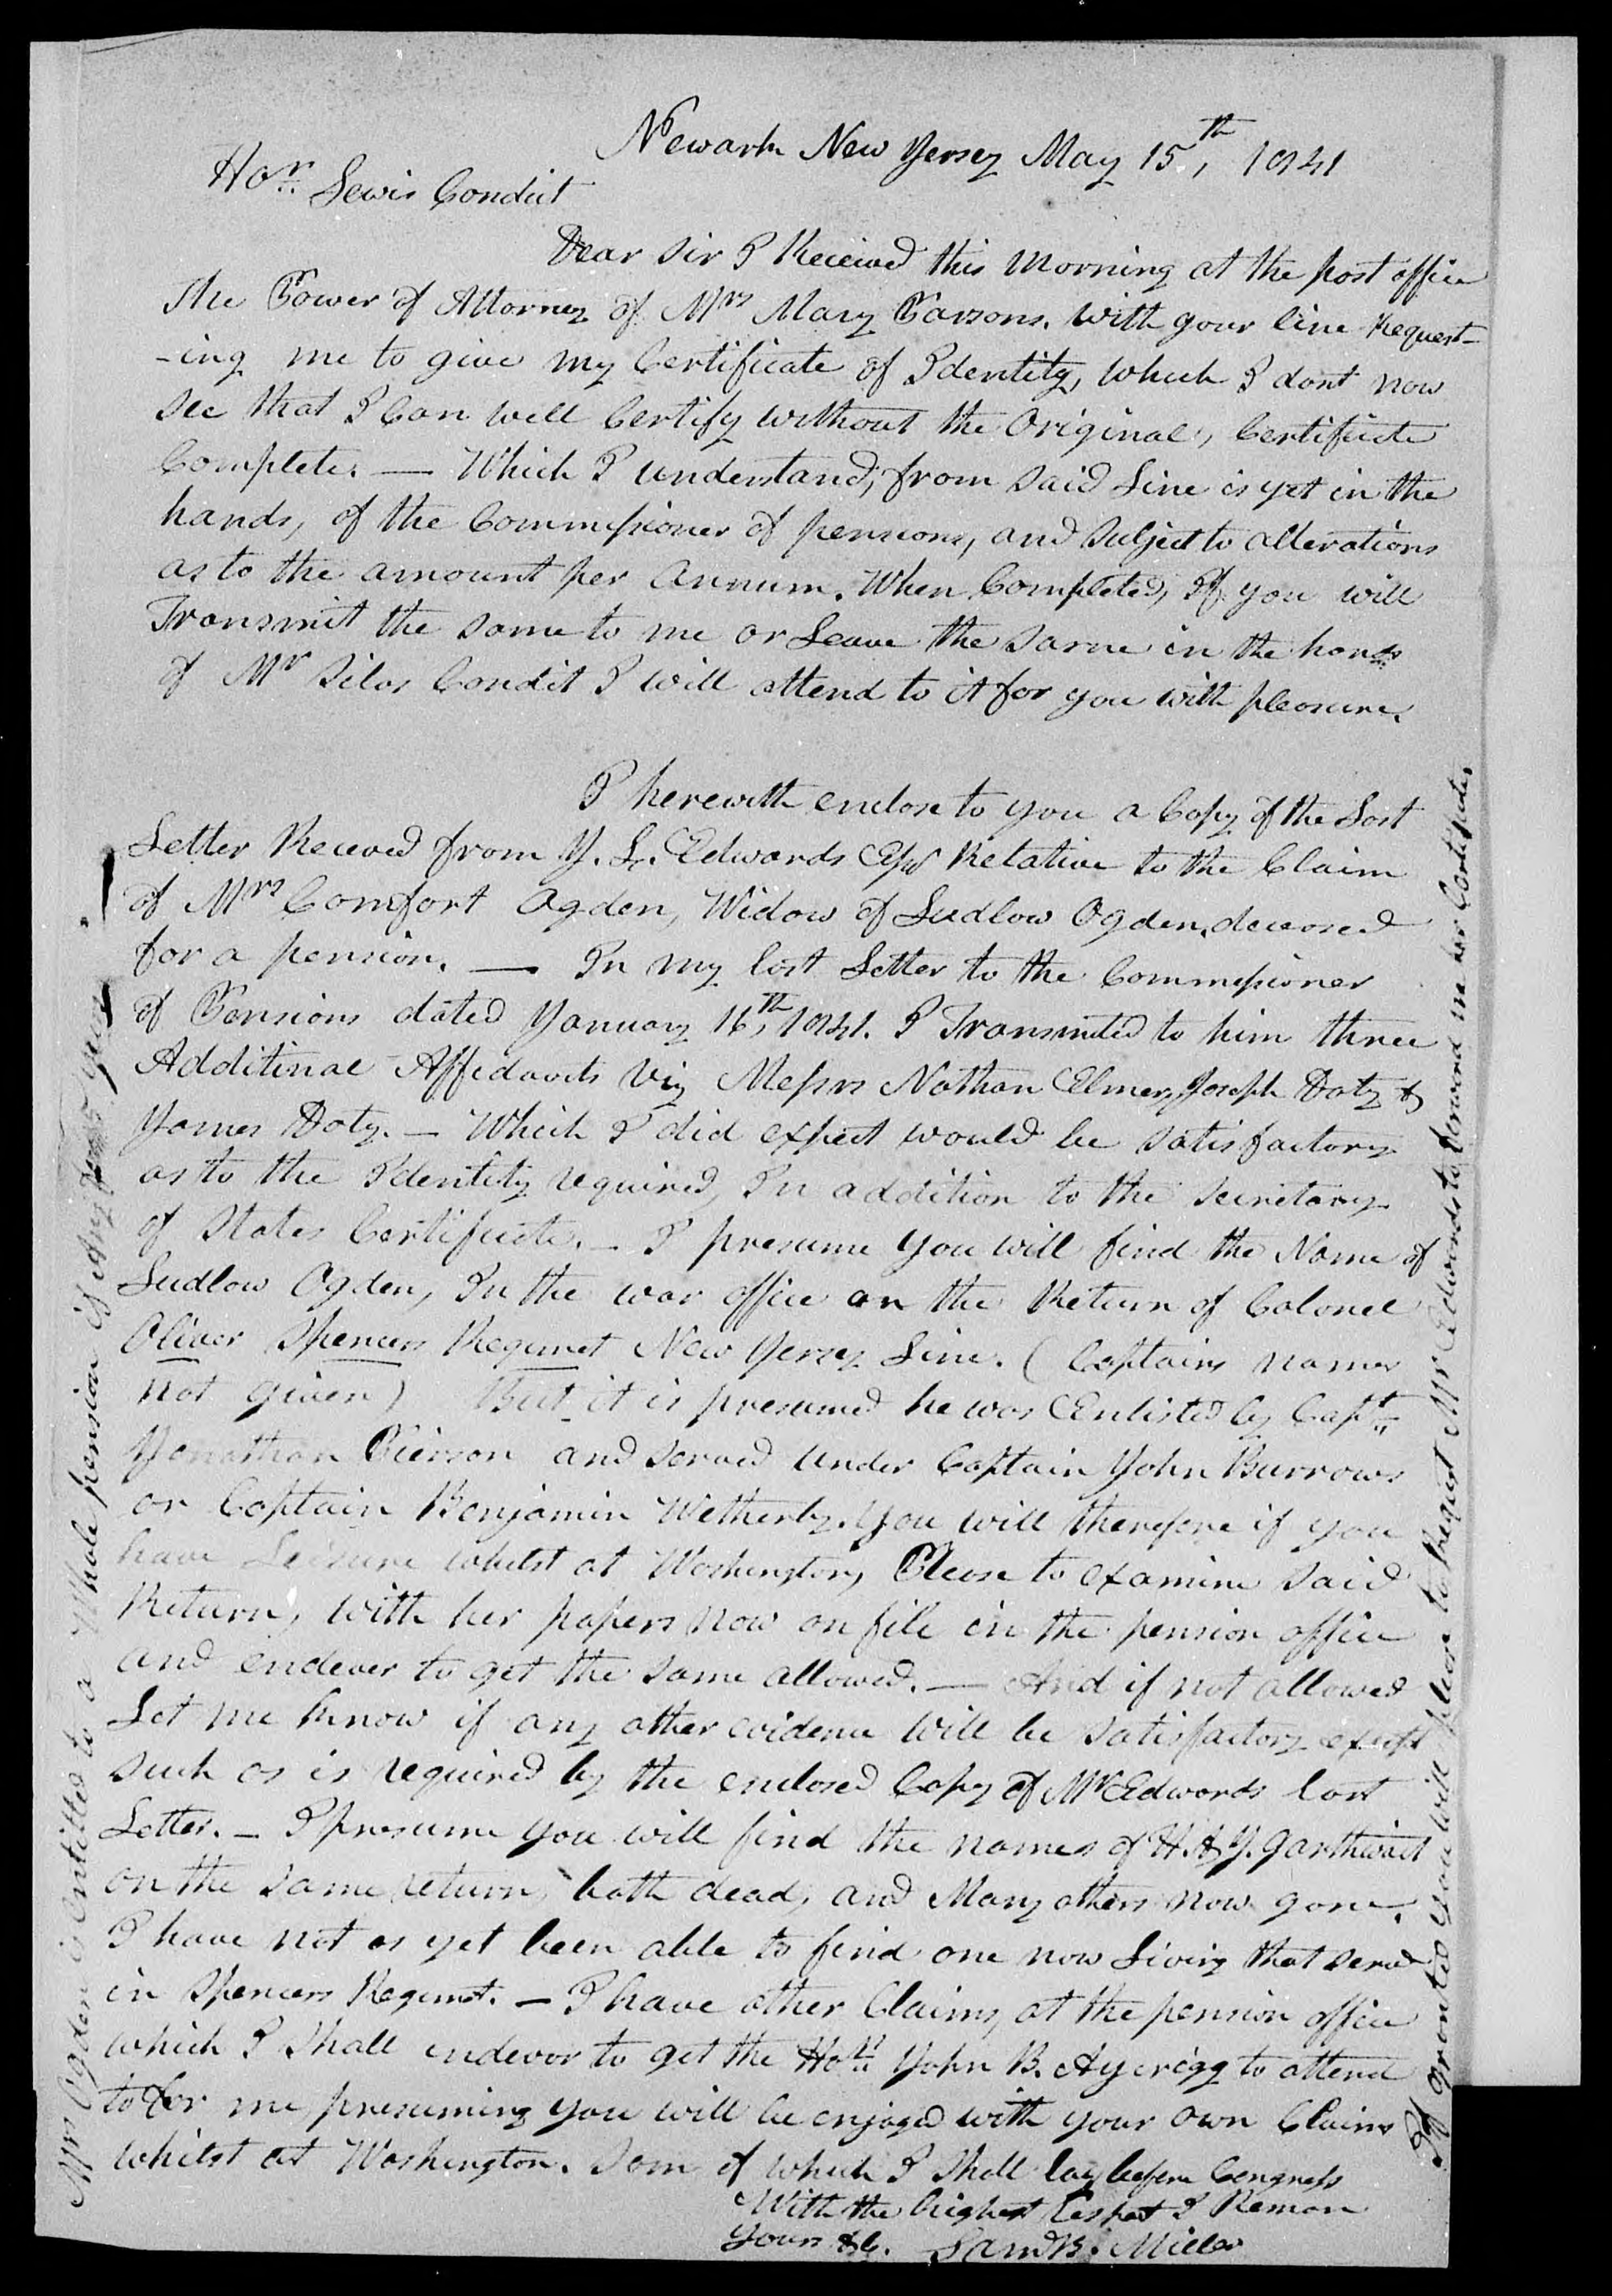Newark New Jersey May 15th, 1841
Hon. Lewis Condit
   Dear Sir I Received this morning at the post office The Power of Attorney of Mrs Mary Parsons, with your line Requesting me to give my Certificate of Identity, which I don't now see that I can well Certify without the Original Certicate Complete - Which I understand, from said Line is yet in the hands of the Commissioner of Pensions, and Subject to alterations as to the amount per annum.  When Completed, if you will Transmit the same to me or Leave the same in the hands of Mr Silas Condit I will attend to it for you with pleasure.

  I herewith enclosed to you a Copy of the Sent Letter Received from J. L. Edwards Esqr Relative to the Claim of Mrs Comfort Ogden, Widow of Ludlow Ogden, deceased for a pension. - In my last Letter to the Commissioner of Pensions dated January 16th 1841, I Transmited to him three Additional Affidavits viz Messrs Nathan Elmer, Joseph Doty & James Doty. - Which I did expect would be satisfactory as to the Identity required, In addition to the Secretary of States Certificate. - I presume you will find the Name of Ludlow Ogden In the war office on the Return of Colonel Oliver Spencers Regiment New Jersey Line. (Captains name not given)  But it is presumed he was Enlisted by Capt. Jonathan Pierson and served under Captain John Burrows or Captain Benjamin Wetherby.  You will therefore if you have Leisure whilst at Washington, Please to examine said Return, with her papers now on file in the pension office and endever to get the same allowed. - And if not allowed Let me know if any other evidence will be satisfactory except such as is required by the enclosed Copy of Mr Edwards last Letter. - I presume you will find the names of H. & J. Garthwait on the same return, both dead, and Many others now gone.  I have not as yet been able to find one now Living that served in Spencers Regiment. - I have other Claims at the pension office which I shall endever to get the Hon John B. Ayerigg to attend to for me presuming you will be engaged with your own Claims whilst at Washington.  Some of which I shall lay before Congress
With the highest Respect I Remain
Your &c.    Saml B. Miller

(Note along left side of page:
Mrs. Comfort is entitled to a Whole pension if Any for 5 years)
(Note along right side of page:
If granted you will please to Request Mr Edwards to forward me her Certificate)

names: James Doty; Joseph Doty; Saml B Miller; Silas Condit; Mary Parsons; John B Ayerigg; Comfort Ogden; Jonathan Pierson; Lewis Condict; J L Edwards; Benjamin Wetherby; Ludlow Ogden; John Burrows; Nathan Elmer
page: 23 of 25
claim: widow's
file: W. 187, for Ludlow Ogden, New Jersey